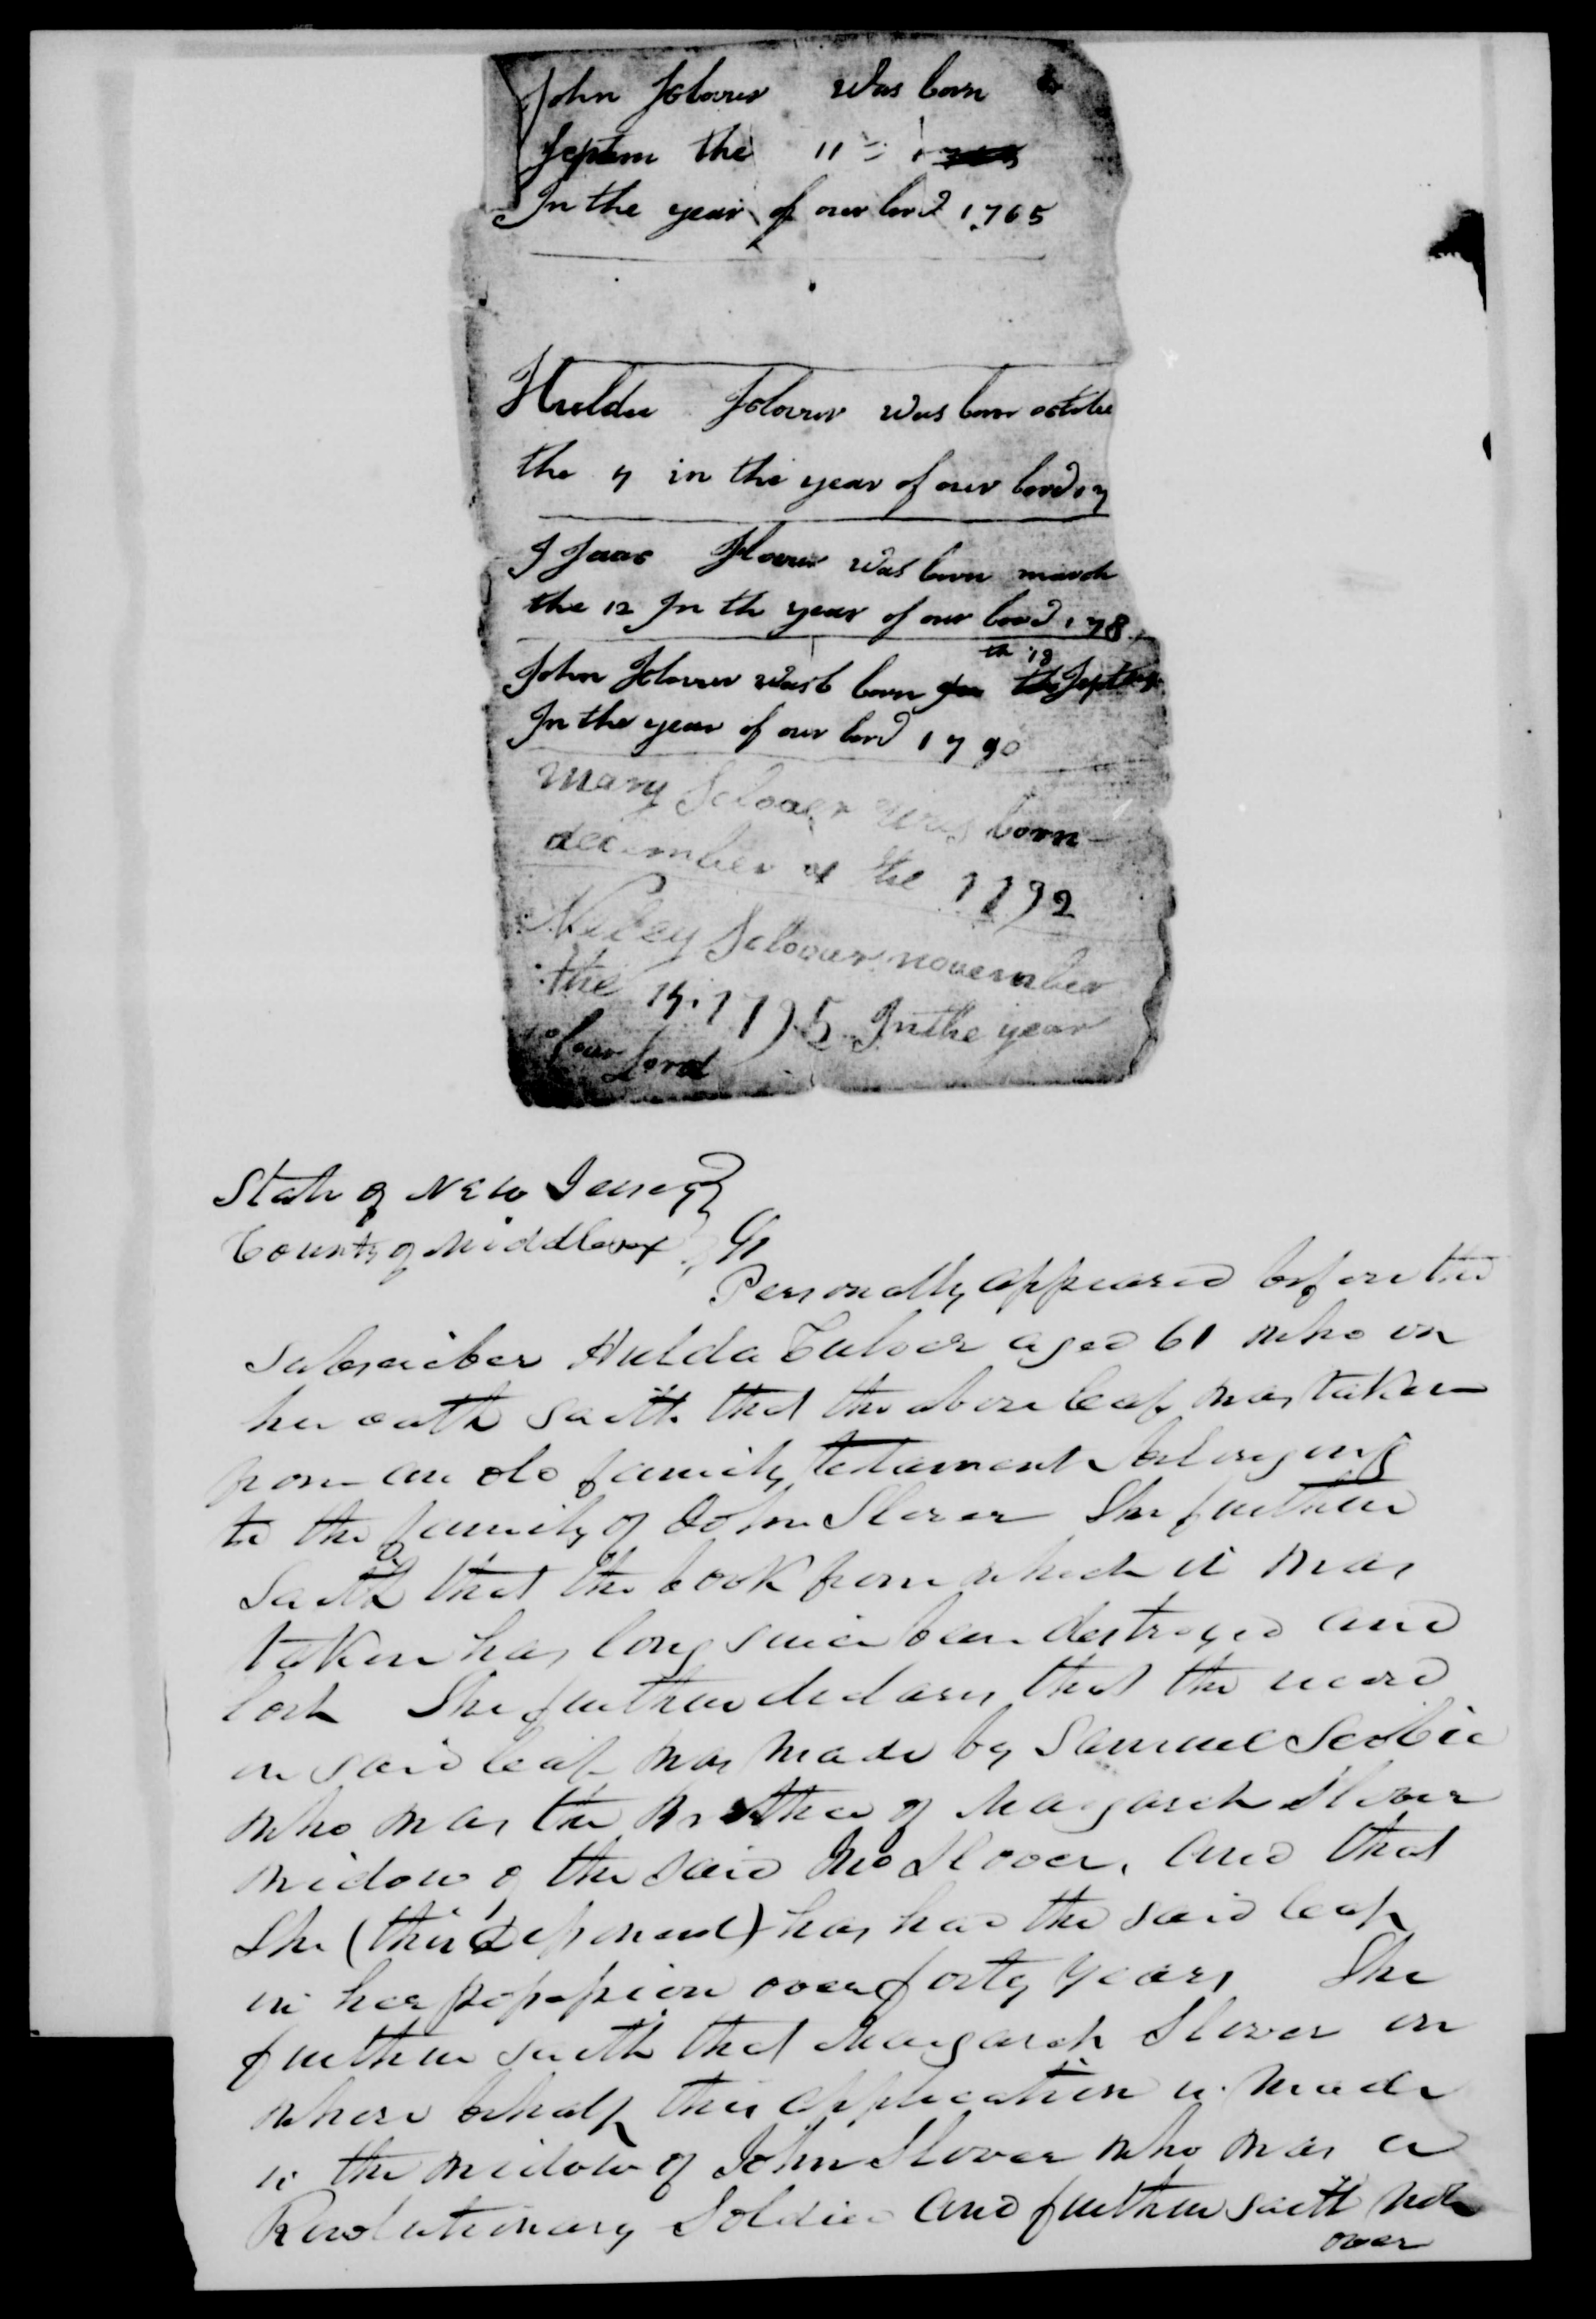John Slover was born September the 11 [crossed out: 1765] in the year of our Lord 1765.
Sheldon Slover was born October the 4 in the year of our Lord 17 [illegible].
James Slover was born March the 12 in the year of our Lord 178 [illegible].
John Slover was born the 18 September in the year of our Lord 1790.
Mary Slover was born December 9th the 1792.
Neley Slover November the 14, 1795 in the year of our Lord.

State of New Jersey
County of Middlesex//

Personally appeared before the subscriber, Hilda Culver, aged 61, who on her oath saith that the above leaf was taken from an old Family Testament belonging to the family of John Slover. She further saith that the book from which it was taken has long since been destroyed and lost. She further declares that the record in said leaf was made by Samuel Scobie, who was the brother of Margaret Slover, widow of the said Jno. Slover And that she (this deponent) has had the said leaf in her possession over Forty years. She further saith that Margaret Slover, on whose behalf this application is made, is the widow of John Slover, who was a Revolutionary Soldier and further saith not.

(over)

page: 11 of 46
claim: widow's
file: W. 6205, for John Slover, New Jersey